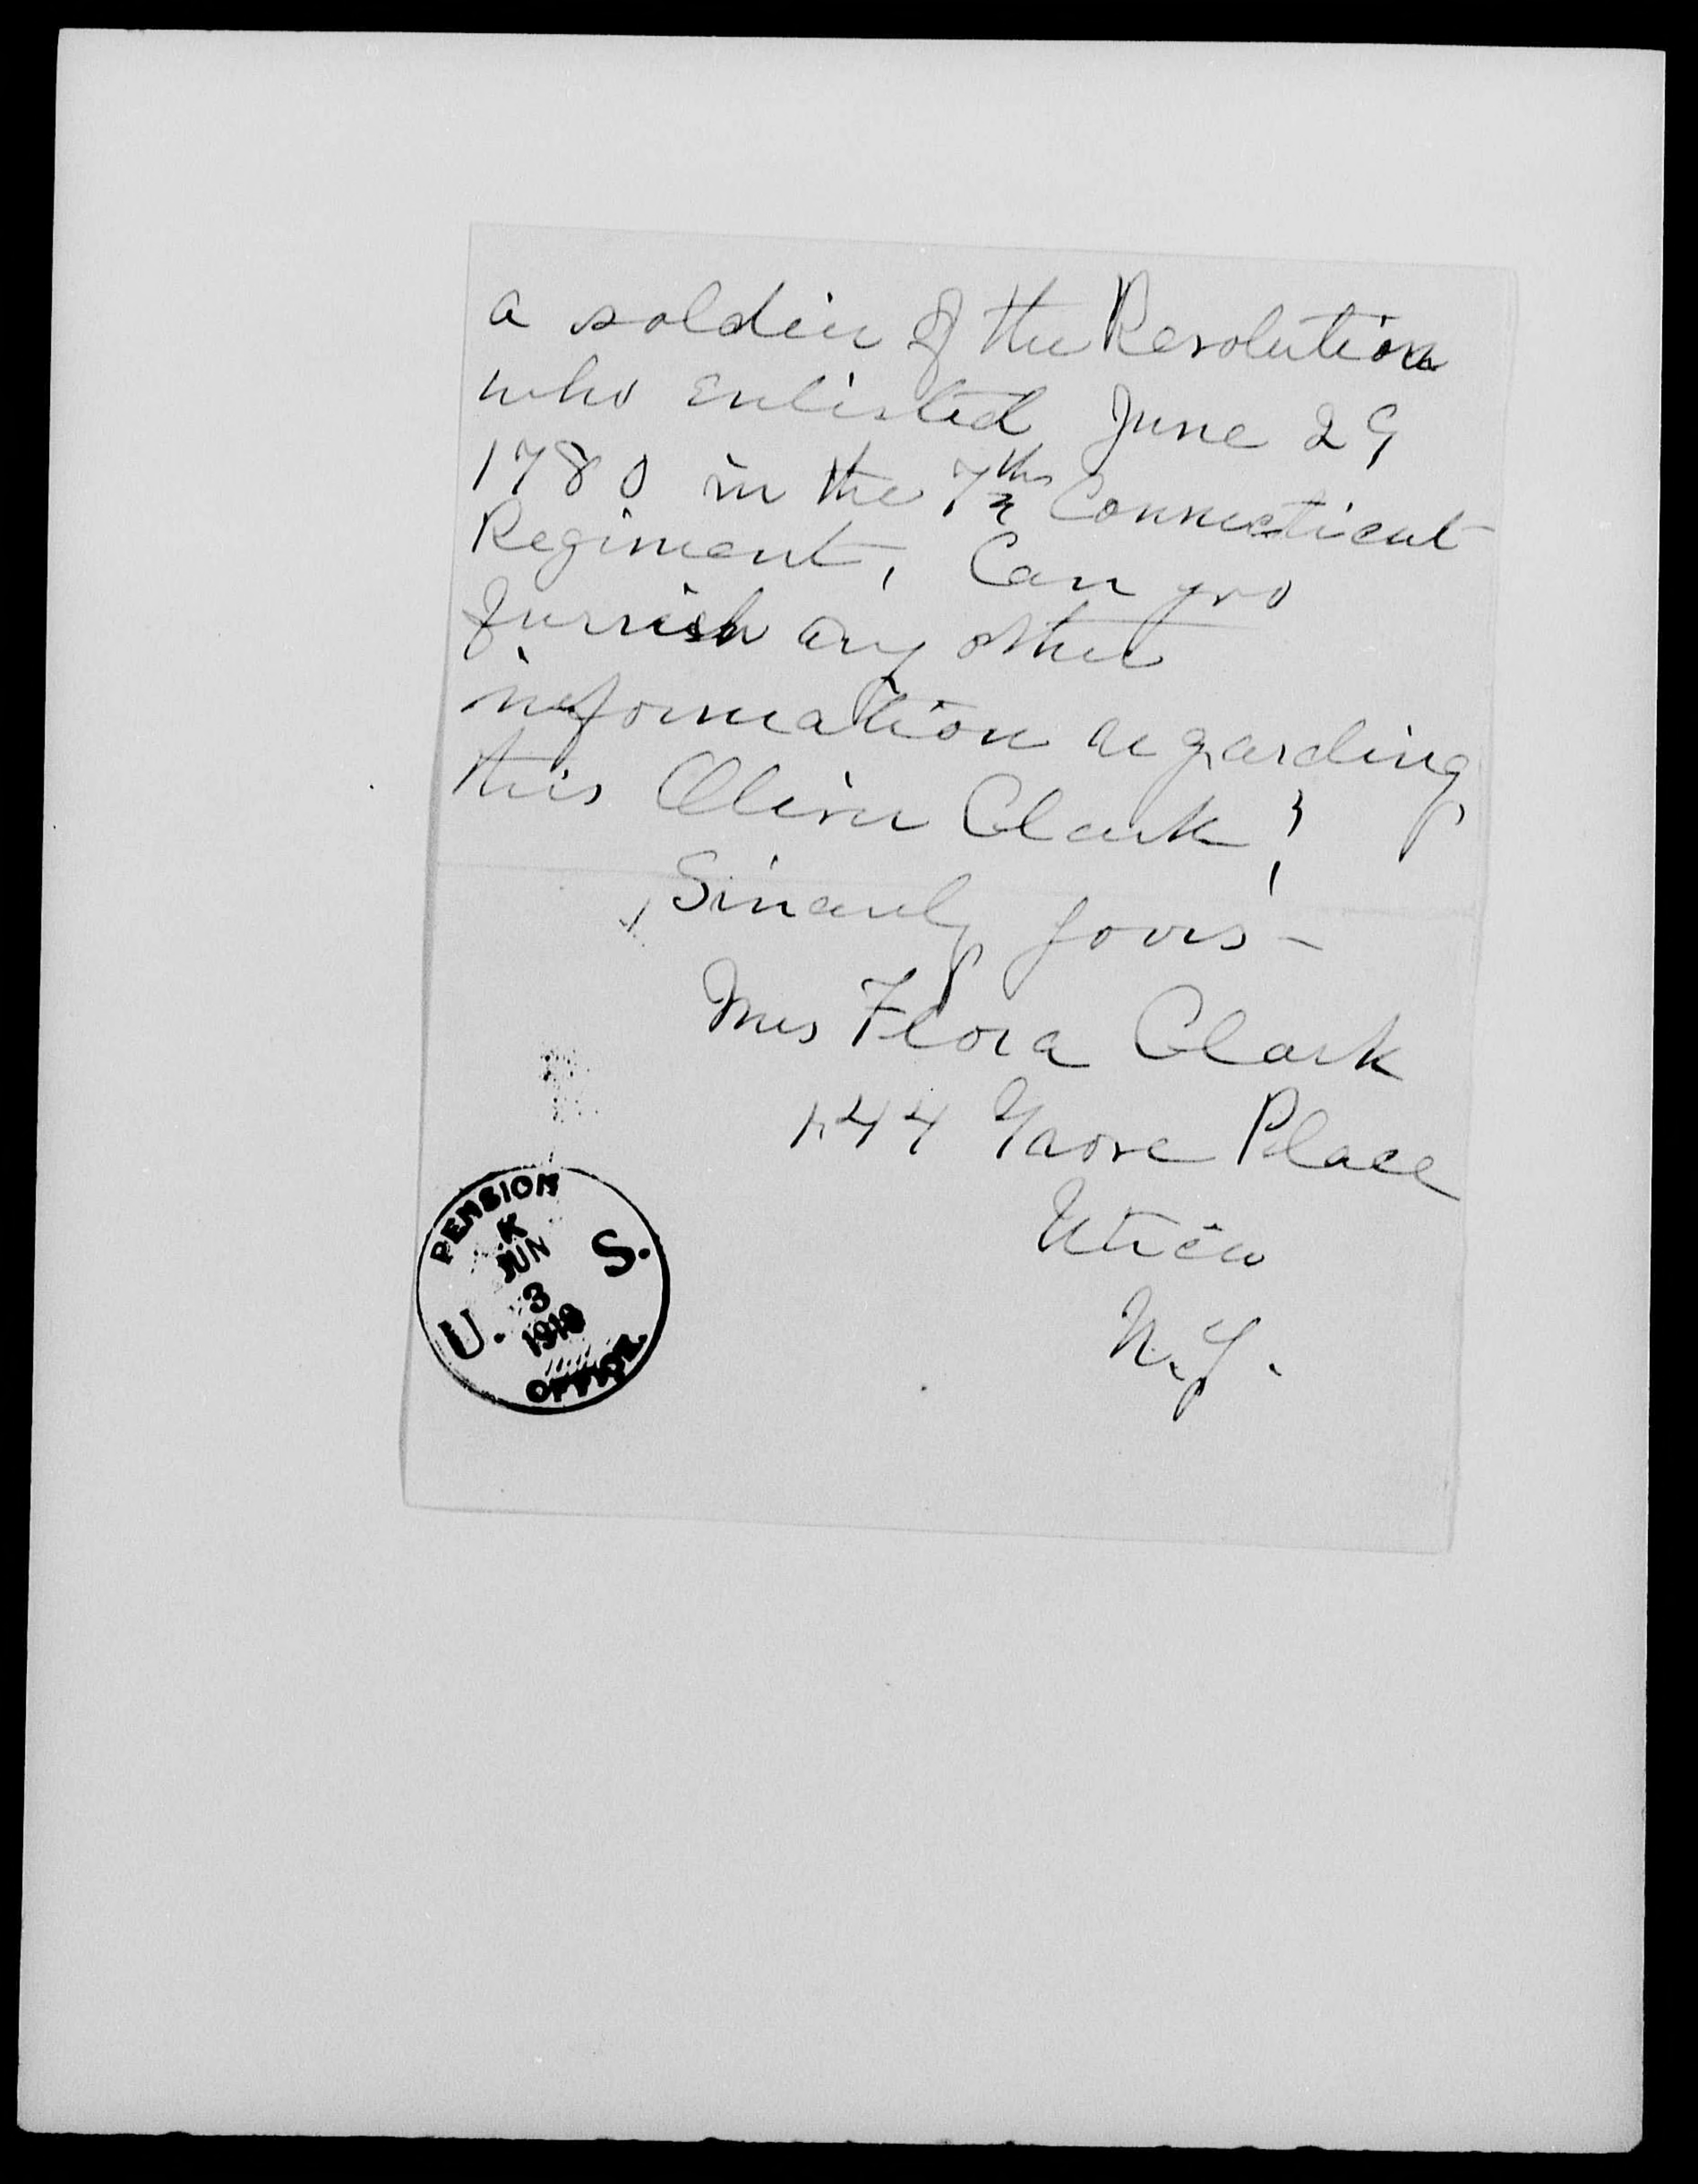a soldier of the Revolution who enlisted June 29 1780 in the 7th Connecticut Regiment. Can you furnish any other information regarding this Oliver Clark?
Sincerely yours – 
Mrs. Flora Clark
144 More Place 
Utica
N.Y.
[round stamp to the left with the following print]
Pension Office.
U.S.
K Jun 3 1919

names: Oliver Clark, Flora Clark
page: 17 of 51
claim: widow's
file: W. 23816, Oliver Clark, Conn.